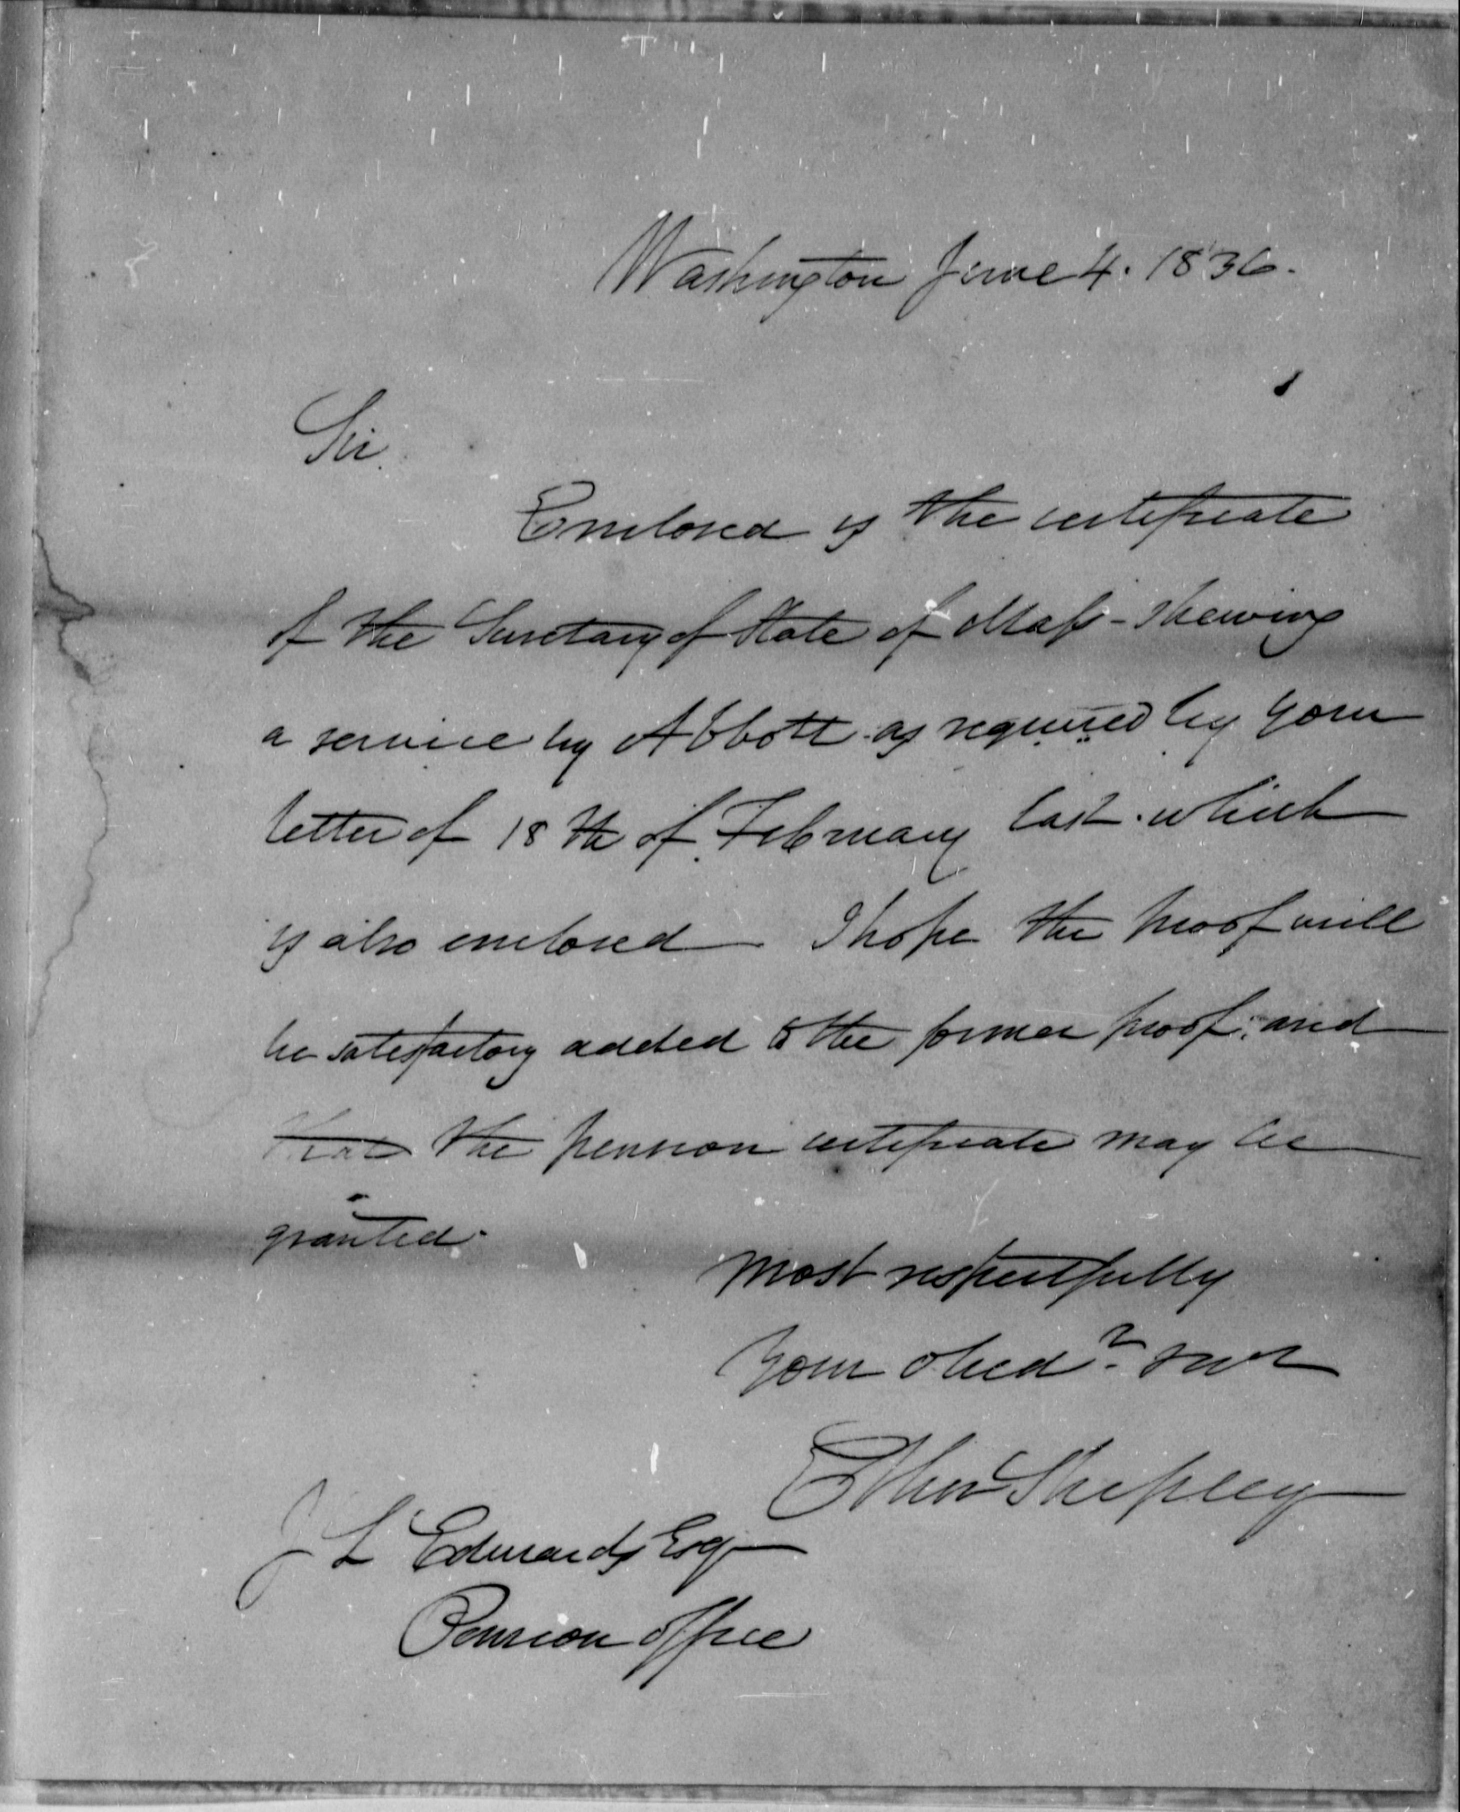Washington, June 4, 1836

Sir,
Embossed is the Certificate of the Secretary of State of Mass - showing a service by Abbott as required by your letter of 18th of February, last which is also enclosed. I hope the proof will he satisfactory added to the former proof; and the Pension Certificate may be granted.
Most respectfully
your obe'd sev't
[SIGNED: Esther Shepley]


J.L. Edwards, Esq.
Pension Office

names: J L Edwards, Ether Shepley, Abbott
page: 53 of 86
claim: survivor's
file: S 29,568, Isaac Abbot, Mass